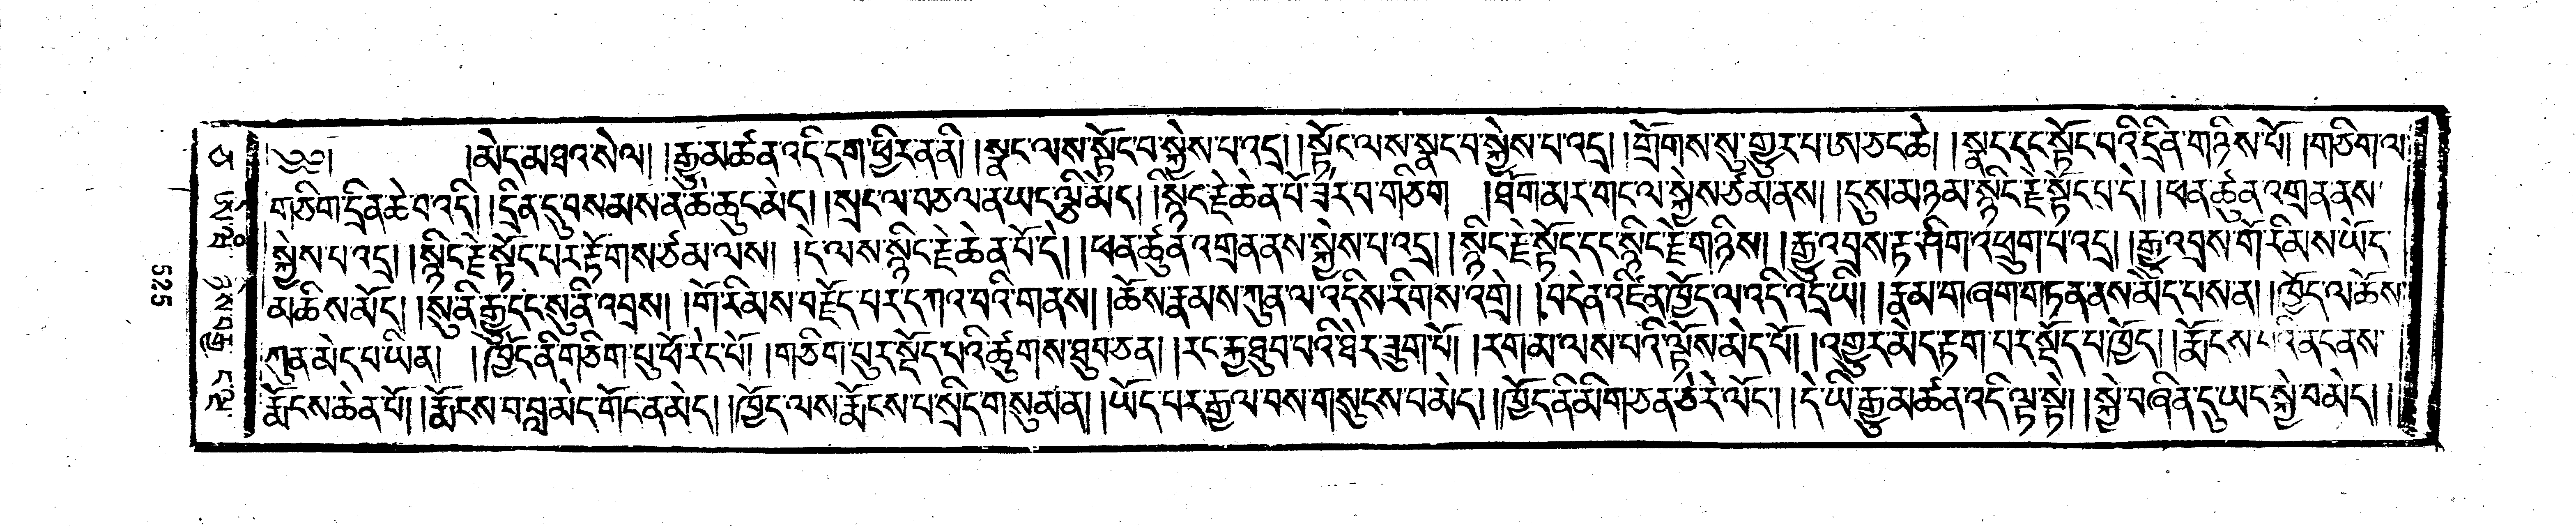༄༅། །མེད་མཐའ་སེལ། །རྒྱུ་མཚན་འདི་དག་ཕྱིར་ན་ནི། །སྣང་ལས་སྟོང་པ་ཀྱེས་པ་འདྲ། །སྟོང་ལས་སྣང་བ་སྐྱེས་པ་འདྲ། །གྲོགས་སུ་གྱུར་པ་ཨ་ཅང་ཆེ། །སྣང་དང་སྟོང་པའི་དྲིན་གཉིས་པོ། །གཅིག་ལ་
གཅིག་དྲིན་ཆེ་བ་འདི། །དྲིན་དུ་བསམས་ན་ཆེ་ཆུང་མེད། །སྲང་ལ་བཅལ་ན་ཡང་ལྕི་མེད། །སྙིང་རྗེས་ཆེན་པོ་ཟེར་བ་གཅིག །ཐོག་མར་གང་ལ་སྐྱེས་ཙམ་ནས། །དུས་མཉམ་སྙིང་རྗེས་སྟོང་པ་དེ། །ཕན་ཚུན་འགྲན་ནས་
སྐྱེས་པ་འདྲ། །སྙིང་རྗེས་སྟོང་པར་རྟོགས་ཙམ་ལས། །དེ་ལས་སྙིང་རྗེས་ཆེན་པོ་དེ། །ཕན་ཚུན་འགྲན་ནས་སྐྱེས་པ་འདྲ། །སྙིང་རྗེས་སྟོང་དང་སྙིང་རྗེས་གཉིས། །རྒྱུ་འབྲས་རྟ་ཤིག་འཕྲུག་པ་འདྲ། །རྒྱུ་འབྲས་གོ་རིམས་ཡོད་
མཆིས་མོད། །སུ་ནི་རྒྱུ་དང་། སུ་ནི་འབྲས། །གོ་རིམས་བརྗོད་པར་དགའ་བའི་གནས། །ཆེས་རྣམས་ཀུན་ལས་འདིས་རིགས་འགྲེ། །བདེན་འཛིན་ཁྱོད་ལ་འདི་འདྲ་ཡི། །རྣམ་གཞག་གཏན་ནས་མེད་པས་ན། །ཁྱོད་ལ་ཆོས་
ཀུན་མེད་པ་ཡིན། །ཁྱོད་ནི་གཅིག་པུ་ཕོ་རིང་པོ། །གཅིག་ཕུར་སྡོད་པའི་ཚུགས་ཐུབ་ཅན། །རང་རྐྱ་ཐུབ་པའི་ཐེར་ཟུག་པོ། །རག་མ་ལས་པའི་སྟོས་མེད་པོ། །འགྱུར་མེད་རྟག་པར་སྡོད་པ་ཁྱོད། །རྨོངས་པའི་ནང་ནས་
རྨོངས་ཆེན་པོ། །རྨོངས་པ་བླ་མེད་གོང་ན་མེད། །ཁྱོད་ལས་རྨོངས་པ་སྲིད་གསུམ་ན། །ཡོད་པར་རྒྱལ་བས་གསུངས་པ་མེད། །ཁྱོད་ནི་མིག་ཅན་ཅེ་རེ་ལོང་། །དེ་ཡི་རྒྱུ་མཚན་འདི་ལྟ་སྟེ། །སྐྱེ་བཞིན་དུ་ཡང་སྐྱེ་བ་མེད། །